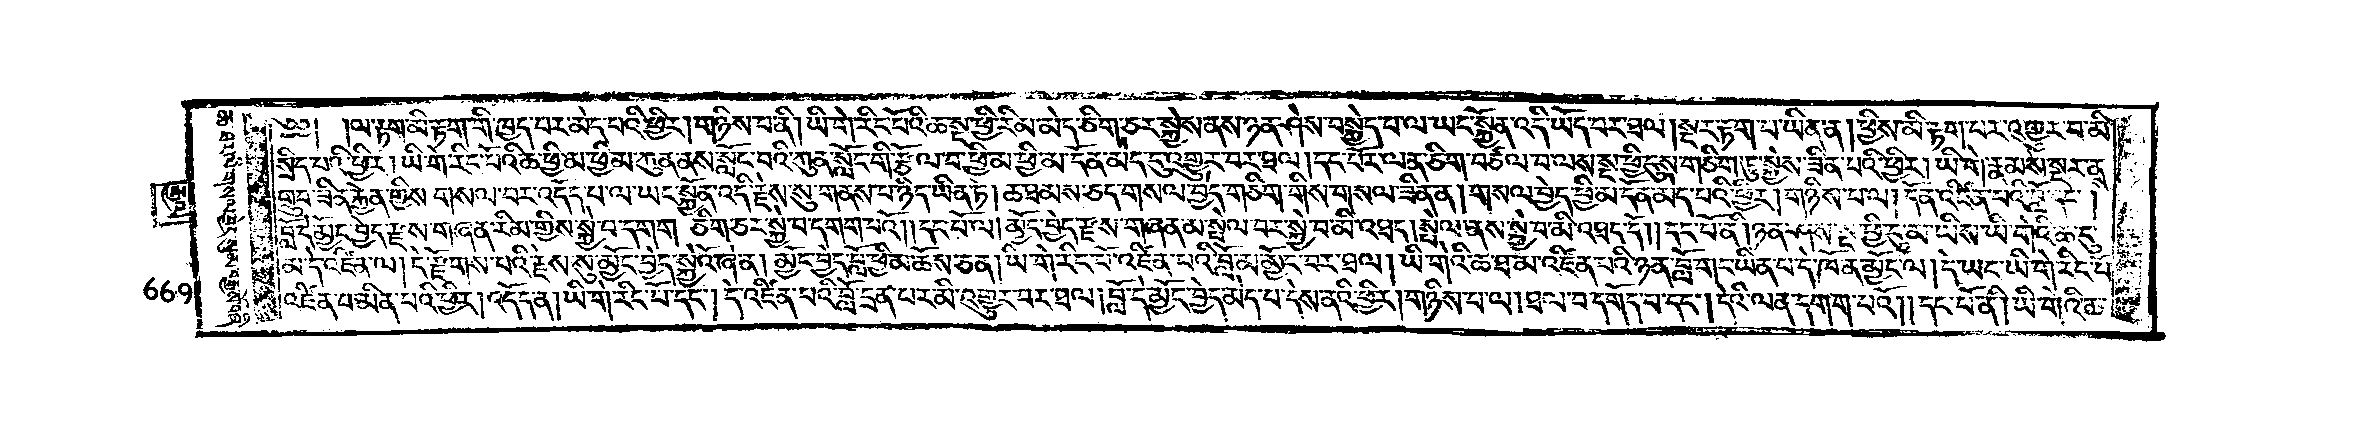༄༅། །ལ་རྟག་མི་རྟག་གི་ཁྱད་པར་མེད་པའི་ཕྱིར། གཉིས་པ་ནི། ཡི་གེ་རིང་པོའི་ཆ་སྔ་ཕྱི་རིམ་མེད་ཅིག་ཅར་སྐྱེས་ནས་ཉན་ཤེས་བསྐྱེད་པ་ལ་ཡང་སྐྱོན་འདི་ཡོད་པར་ཐལ། སྔར་རྟག་པ་ཡིན་ན་།ཕྱིས་མི་རྟག་པར་འགྱུར་བ་མི་
སྲིད་པའི་ཕྱིར། ཡི་གེ་རིང་པོའི་ཆ་ཕྱི་མ་ཕྱི་མ་ཀུན་ནས་སློང་བའི་ཀུན་སློང་གི་རྩོལ་བ་ཕྱི་མ་ཕྱི་མ་དོན་མེད་དུ་འགྱུར་བར་ཐལ། དང་པོར་ལན་ཅིག་བཙལ་བ་ལས་སྔ་ཕྱི་དུས་གཅིག་ཏུ་སྐྱེས་ཟིན་པའི་ཕྱིར། ཡི་གེ་རྣམས་སྔར་ནས་
གྲུབ་ཟིན་རྐྱེན་གྱིས་གསལ་བར་འདོད་པ་ལ་ཡང་སྐྱོན་འདི་རྗེས་སུ་གནས་པ་ཉིད་ཡིན་ཏེ། ཆ་ཐམས་ཅད་གསལ་བྱེད་གཅིག་གིས་གསལ་ཟིན་ན། གསལ་བྱེད་ཕྱི་མ་དོན་མེད་པའི་ཕྱིར། གཉིས་པ་ལ། དོན་འཛིན་པའི་བློ་དང་།
བློ་དེ་མྱོང་བྱེད་རྫས་གཞན་རིམ་གྱིས་སྐྱེ་བ་དགག་ཅིག་ཅར་སྐྱེ་བ་དགག་པའོ། །དང་པོ་ལ། མྱོང་བྱེད་རྫས་གཞན་མ་སྤེལ་བར་སྐྱེ་བ་མི་འཐད། སྤེལ་ནས་སྐྱེ་བ་མི་འཐད་དོ། །དང་པོ་ནི། ཉན་ཤེས་སྔ་ཕྱི་དུ་མ་ཡིས་ཡི་གེའི་ཆ་དུ་
མ་དེ་འཛིན་ལ། དེ་རྫོགས་པའི་རྗེས་སུ་མྱོང་བྱེད་སྐྱེའོ་ཞེ་ན། མྱོང་བྱེད་བློ་ཕྱི་མ་ཆོས་ཅན། ཡི་གེ་རིང་པོ་འཛིན་པའི་བློ་མ་མྱོང་བར་ཐལ། ཡི་གེའི་ཆ་ཐ་མ་འཛིན་པའི་ཉན་བློ་གང་ཡིན་པ་དེ་ཁོ་ན་མྱོང་ལ། དེ་ཡང་ཡི་གེ་རིང་པོ་
འཛིན་པ་མིན་པའི་ཕྱིར། འདོད་ན། ཡི་གེ་རིང་པོ་དང་། དེ་འཛིན་པའི་བློ་དྲན་པར་མི་འགྱུར་བར་ཐལ། བློ་དེ་མྱོང་བྱེད་མེད་པ་དེས་ནའི་ཕྱིར། གཉིས་པ་ལ། ཐལ་བ་དགོད་པ་དང་། དེའི་ལན་དགག་པའོ། །དང་པོ་ནི། ཡི་གེའི་ཆ་